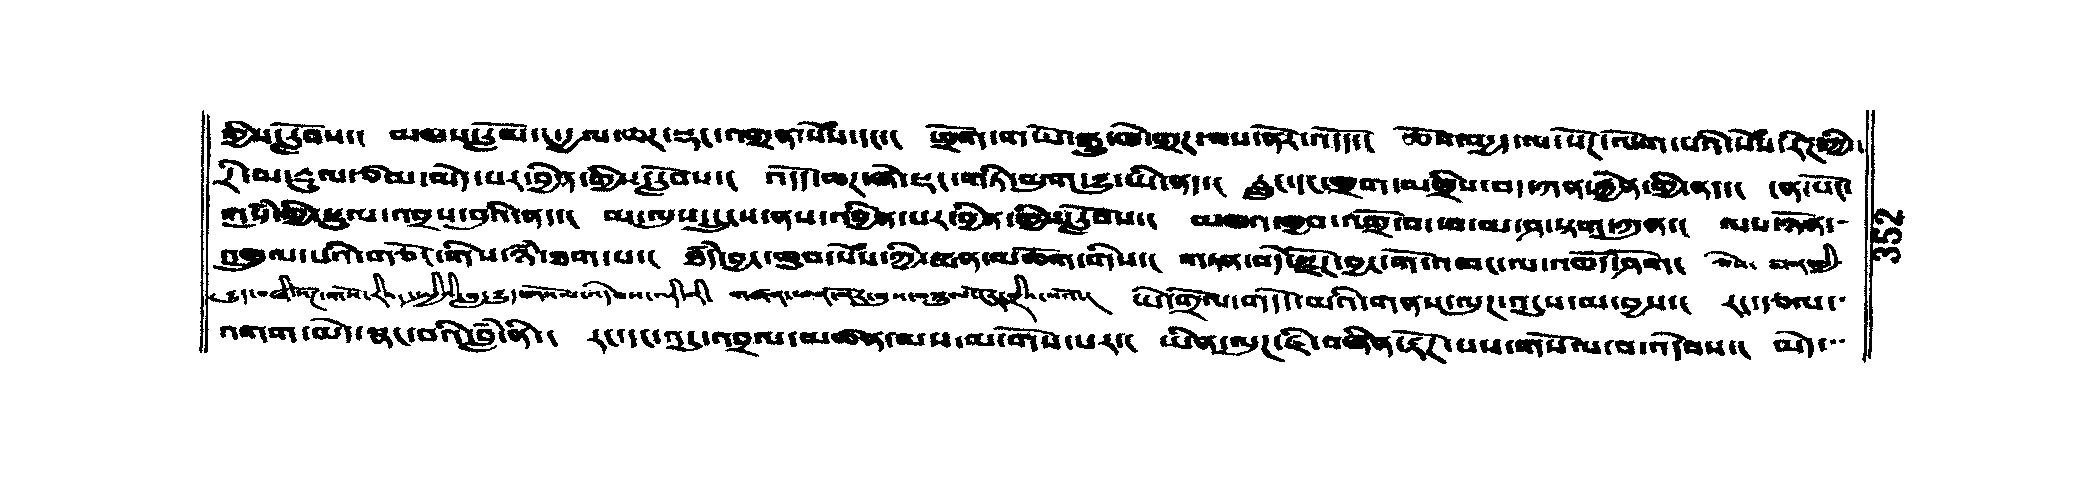གྱིས་རློབས། །མཁས་རློམ་ང་རྒྱལ་ཆགས་སྡང་འགྲན་སེམས་དང་། །ཕྲག་དོག་གཡོ་སྒྱུ་ཁེ་གྲགས་ཟས་ནོར་འདོད། །ཆོས་བརྒྱད་ལ་སོགས་ལོག་པའི་སེམས་རིགས་ཀྱི། །
དྲི་མ་རྡུལ་ཙམ་མེད་པར་བྱིན་གྱིས་རློབས། །འདོད་ཆགས་ཞེ་སྡང་གཏི་མུག་རྒྱུ་ཡི་ནད། །རླུང་དང་ཁྲག་མཁྲིས་བད་ཀན་རྐྱེན་གྱི་ནད། །ངན་སོང་
གསུམ་གྱི་སྡུག་བསྔལ་འབྲས་བུའི་ནད། །མ་ལུས་དྲུང་ནས་འབྱིན་པར་བྱིན་གྱིས་རློབས། །མཁའ་ཁྱབ་འགྲོ་བ་ཕ་མ་ཤ་སྟག་ཀུན། །ལས་ཉོན་
འཁྲུལ་པའི་གཅོང་གིས་སྙམ་ཐག་པ། །ཐམས་ཅད་བྱང་ཆུབ་སེམས་ཀྱི་སྨན་མཆོག་གིས། །གཏན་བདེ་རྫོགས་བྱང་གོ་འཕང་ལ་འཁོད་ཤོག ཅེས་སྨན་གྱི་
རྒྱུད་བཞི་སོགས་གསོ་རིག་སྤྱིའི་བླ་རྒྱུད་གསོལ་འདེབས་འདི་ནི། གཞན་ཕན་ནོར་བུས་བསྐུལ་ངོར་བྲིས་པའོ།། ༈ ཡེ་གྲོལ་གདོད་མའི་གནས་ལུགས་འདུས་མ་བྱས། །རང་རྩལ་
འགག་མེད་སྣང་བའི་བླ་མ་ནི། །རང་དང་འདུ་འབྲལ་མཚན་མས་མ་གོས་པར། །ཡིན་ལུགས་ཇི་བཞིན་རྟོགས་པས་གསོལ་བ་འདེབས། །མེད་